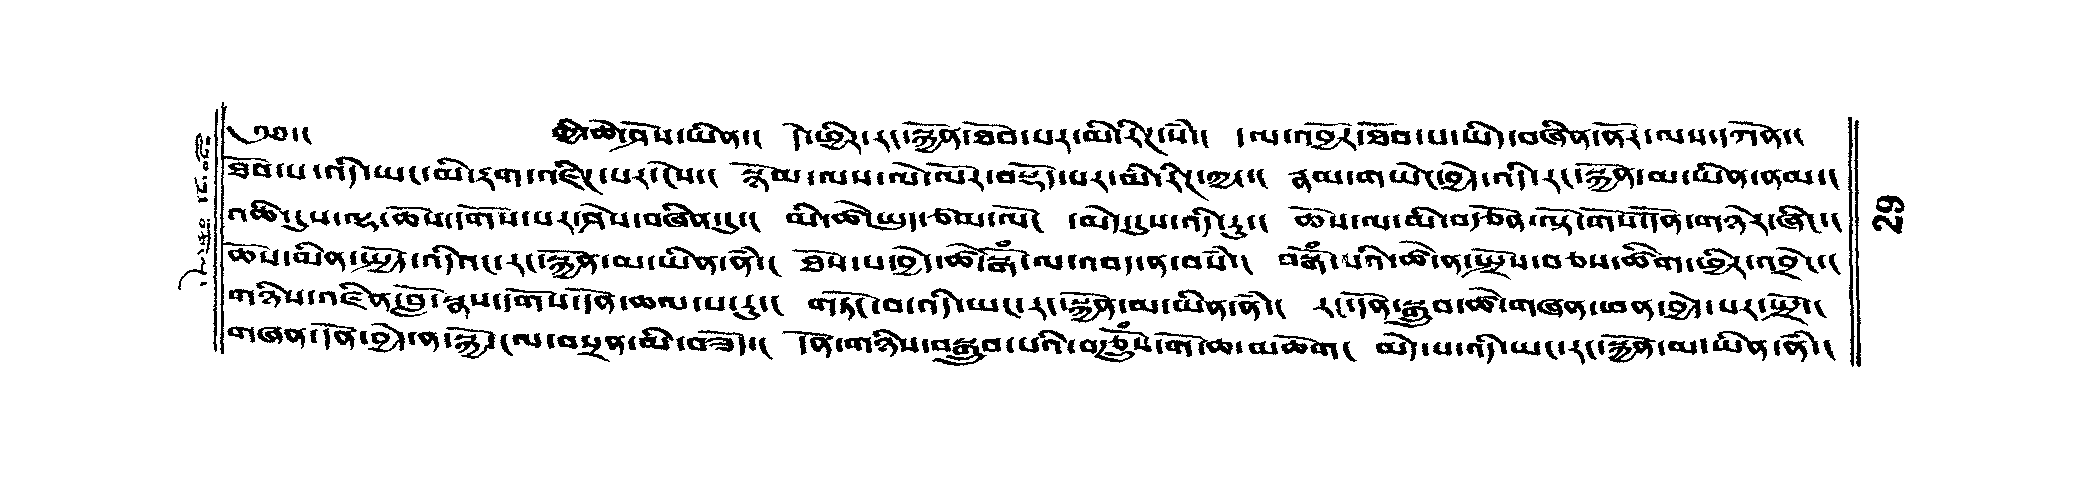གྱི་ཆེ་ཤོས་ཡིན། །དེ་ཕྱིར་རང་སྐྱོན་མཐོང་བ་མི་རིགས་སམ། །དལ་འབྱོར་ཐོབ་པ་ཡིད་བཞིན་ནོར་ལས་དཀོན། །
ཐོབ་པ་འདི་ཡང་མི་རྟག་འཇིག་པར་ངེས། །སྙོམ་ལས་ལེ་ལོར་བསྡོད་པར་མི་རིགས་ཀྱང་། །རྣམ་གཡེང་བྱེད་འདི་རང་སྐྱོན་མ་ཡིན་ནམ། །
འཆི་དུས་ལྷ་ཆོས་དགོས་པར་ཤེས་བཞིན་དུ། །མི་ཚེ་ཡུད་ཙམ་ལོང་མེད་དུས་འདི་རུ། །ཆོས་ལ་མི་བརྩཽན་ལྟོ་གོས་དོན་གཉེར་ཞིང་། །
ཆོས་མིན་སྤྱོད་འདིའང་རང་སྐྱོན་མ་ཡིན་ནམ། །ཐོས་པ་བྱེད་ཚེ་སྒོམ་ལ་འབད་ན་བསམ། །བསྒོམ་པའི་ཚེ་ན་སྤྲོས་བཅས་ཚིག་ཕྱིར་འབྲང་། །
གཉིས་འཛིན་བློ་སྣས་དགོས་དོན་ཚལ་པ་རུ། །གཏོང་བ་འདི་ཡང་རང་སྐྱོན་མ་ཡིན་ནམ། རང་དོན་སྒྲུབ་ཚེ་གཞན་ཕན་བྱེད་པར་སྤྲོ། །
གཞན་དོན་བྱེད་ན་སྐྱོ་ངལ་བསྲན་མི་བཟོད། །དོན་གཉིས་བསྒྲུབ་པའི་བརྩོན་འགྲུས་གོ་ཆ་མཆོག །མེད་པ་འདི་ཡང་རང་སྐྱོན་མ་ཡིན་ནམ།